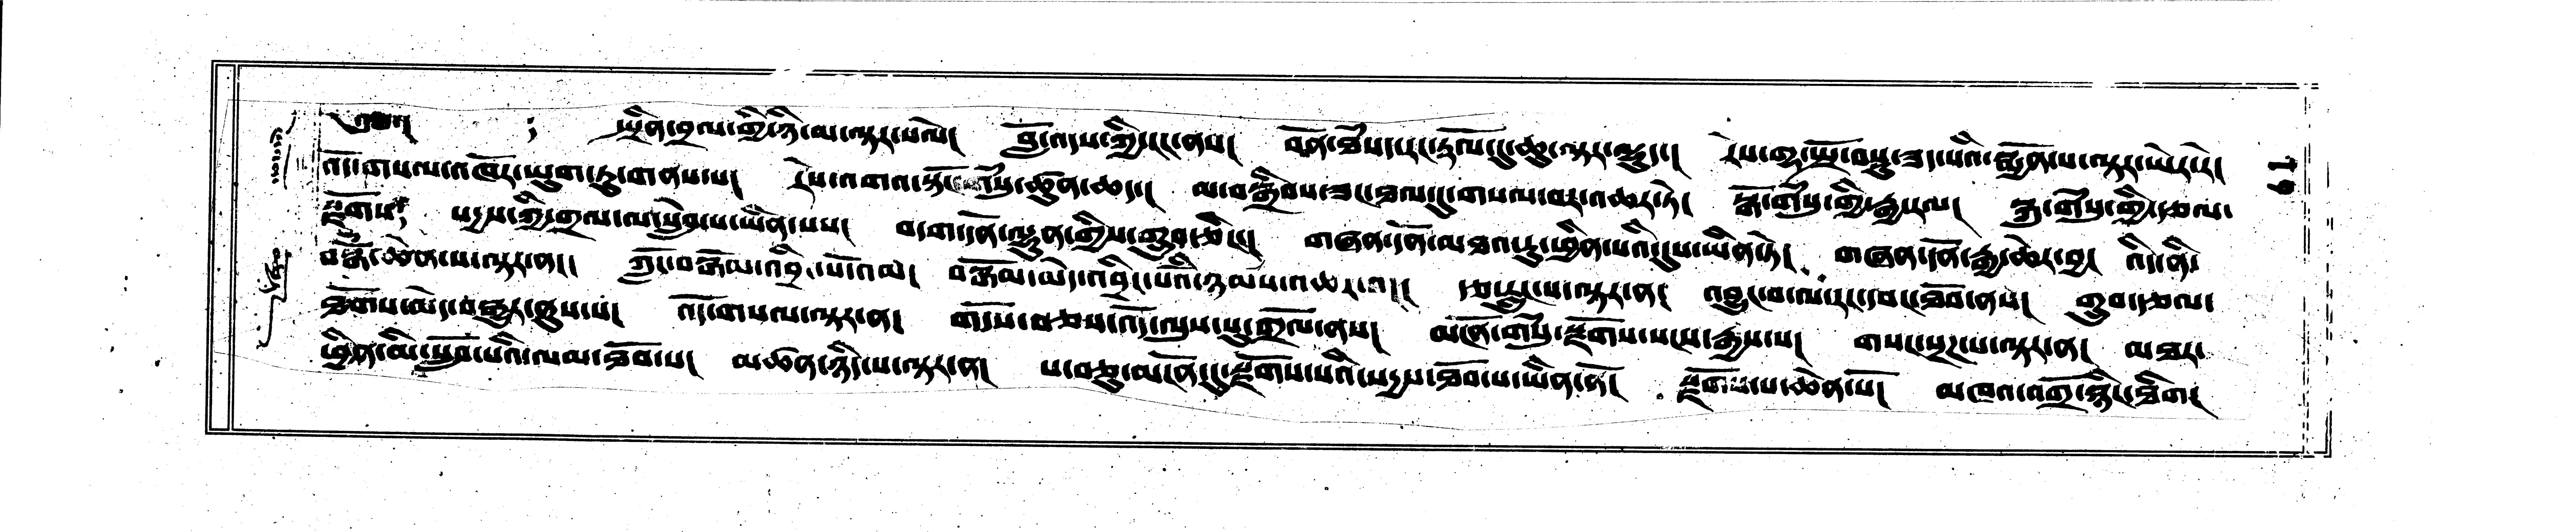སྤྲིན་བྲལ་གྱི་ཉི་མ་ལྟར་སལེ། བློ་འདས་ཀྱི་ངང་ནས། བོན་ཐམས་ཅད་རང་གྲོལ་དུ་ཆུ་ལྟར་ལྷུད། ར་འགའ་སྤྲོ་བསྡུ་ཟད་པའི་སྨྱོན་པ་ལྟར་ཡེར་རེ། 
འོད་གསལ་ཁོར་ཡུག་ཏུ་གནས་པ། རེས་འགའ་སྟོང་གསུམ་ཚུན་ཆད། མ་བསྒྲིབས་ཟང་ཐལ་དུ་གསལ་བར་འཆར་ཏེ། སྒོ་གསུམ་གྱི་རྒྱ་རལ། སྐུ་གསུམ་གྱི་རྩལ་
རྫོགས། སངས་རྒྱས་ཀྱི་གྲལ་ལ་སླེབས་པ་ཡིན་པས། བདག་དོན་ལྷུན་གྱིས་གྲུབ་ཅིང་། གཞན་དོན་མཐའ་རུ་ཕྱིན་པའི་དུས་ཡིན་ཏེ། གཞན་དོན་རྒྱ་ཆེར་བྱ། འདི་ནི་
སྒོམ་ཆེན་པ་ལྟར་ན། ཀློང་སྒོམ་འབྲིང་པོའམ། སྒོམ་མེད་འབྲིང་པོའི་ཉམས་འཆར་བ། རྩ་རླུང་པ་ལྟར་ན། འབྱུང་བ་ལ་རང་དབང་ཐོབ་ནས། གྲུབ་རྩལ་
ཐོགས་མེད་བསྒྱུར་ནུས་པ། འོད་གསལ་ལྟར་ན། གདོས་བཅས་འོད་ལུས་སུ་གྲོལ་ནས། མངོན་སུམ་རྫོགས་སངས་རྒྱས་པ། གསང་སྔགས་པ་ལྟར་ན་མཐར་
ཕྱིན་མི་སློབ་པའི་ལམ་ཐོབ་པ། མཚན་ཉིད་པ་ལྟར་ན། ས་བཅུ་མངོན་དུ་རྫོགས་པའི་སངས་རྒྱས་ཐོབ་པ་ཡིན་ནོ། །རྫོགས་པ་ཆེན་པོ་མཁའ་འགྲོ་སྙིང་ཐིག་